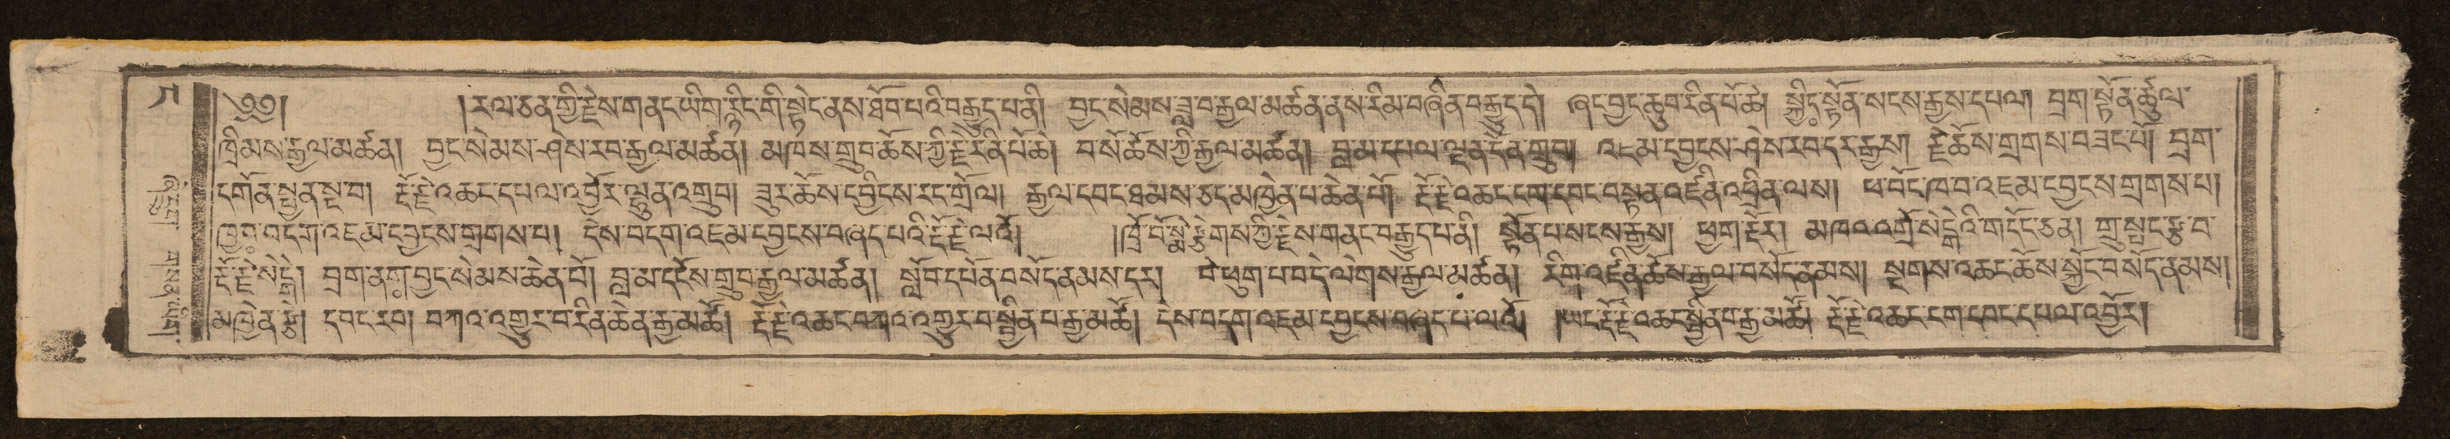༄༅། །རལ་ཅན་གྱི་རྗེས་གནང་ཡིག་རྙིང་གི་སྟེང་ནས་ཐོབ་པའི་བརྒྱུད་པ་ནི། བྱང་སེམས་ཟླ་བ་རྒྱལ་མཚན་ནས་རིམ་བཞིན་བརྒྱུད་དེ། ཞང་བྱང་ཆུབ་རིན་པོ་ཆེ། སྐྱིད་སྟོན་སངས་རྒྱས་དཔལ། བྲག་སྟོན་ཚུལ་
ཁྲིམས་རྒྱལ་མཚན། བྱང་སེམས་ཤེས་རབ་རྒྱལ་མཚན། མཁས་གྲུབ་ཆོས་ཀྱི་རྗེ་རིན་པོ་ཆེ། བ་སོ་ཆོས་ཀྱི་རྒྱལ་མཚན། བླ་མ་དཔལ་ལྡན་དོན་གྲུབ། འཇམ་དབྱངས་ཤེས་རབ་དར་རྒྱས། རྗེ་ཆོས་གྲགས་བཟང་པོ། བྲག་
དགོན་སྤྱན་སྔ་བ། རྡོ་རྗེ་འཆང་དཔལ་འབྱོར་ལྷུན་འགྲུབ། ཟུར་ཆོས་དབྱིངས་རང་གྲོལ། རྒྱལ་དབང་ཐམས་ཅད་མཁྱེན་པ་ཆེན་པོ། རྡོ་རྗེ་འཆང་ངག་དབང་བསྟན་འཛིན་འཕྲིན་ལས། ཕ་བོང་ཁ་བ་འཇམ་དབྱངས་གྲགས་པ།
ཁྱབ་བདག་འཇམ་དབྱངས་གྲགས་པ། དེས་བདག་འཇམ་དབྱངས་བཞད་པའི་རྡོ་རྗེ་ལའོ། །ཁྲོ་བོ་སྨེ་རྩེགས་ཀྱི་རྗེས་གནང་བརྒྱུད་པ་ནི། སྟོན་པ་སངས་རྒྱས། ཕྱག་རྡོར། མཁའ་འགྲོ་སེངྒེའི་གདོང་ཅན། གྲུ་སྤང་རྩ་བ་
རྡོ་རྗེ་སེངྒེ། བྲག་ནག་བྱང་སེམས་ཆེན་པོ། བླ་མ་དངོས་གྲུབ་རྒྱལ་མཚན། སློབ་དཔོན་བསོད་ནམས་དར། བེ་ཕུག་པ་བདེ་ལེགས་རྒྱལ་མཚན། རིག་འཛིན་ཆོས་རྒྱལ་བསོད་ནམས། སྔགས་འཆང་ཆོས་སྐྱོང་བ་བསོད་ནམས།
མཁྱེན་རྩ། དབང་རག་བཀའ་འགྱུར་བ་རིན་ཆེན་རྒྱ་མཚོ། རྡོ་རྗེ་འཆང་བཀའ་འགྱུར་བ་སྦྱིན་བ་རྒྱ་མཚོ། དེས་བདག་འཇམ་དབྱངས་བཞད་པ་ལའོ། །ཡང་རྡོ་རྗེ་འཆང་སྦྱིན་པ་རྒྱ་མཚོ། རྡོ་རྗེ་འཆང་ངག་དབང་དཔལ་འབྱོར།